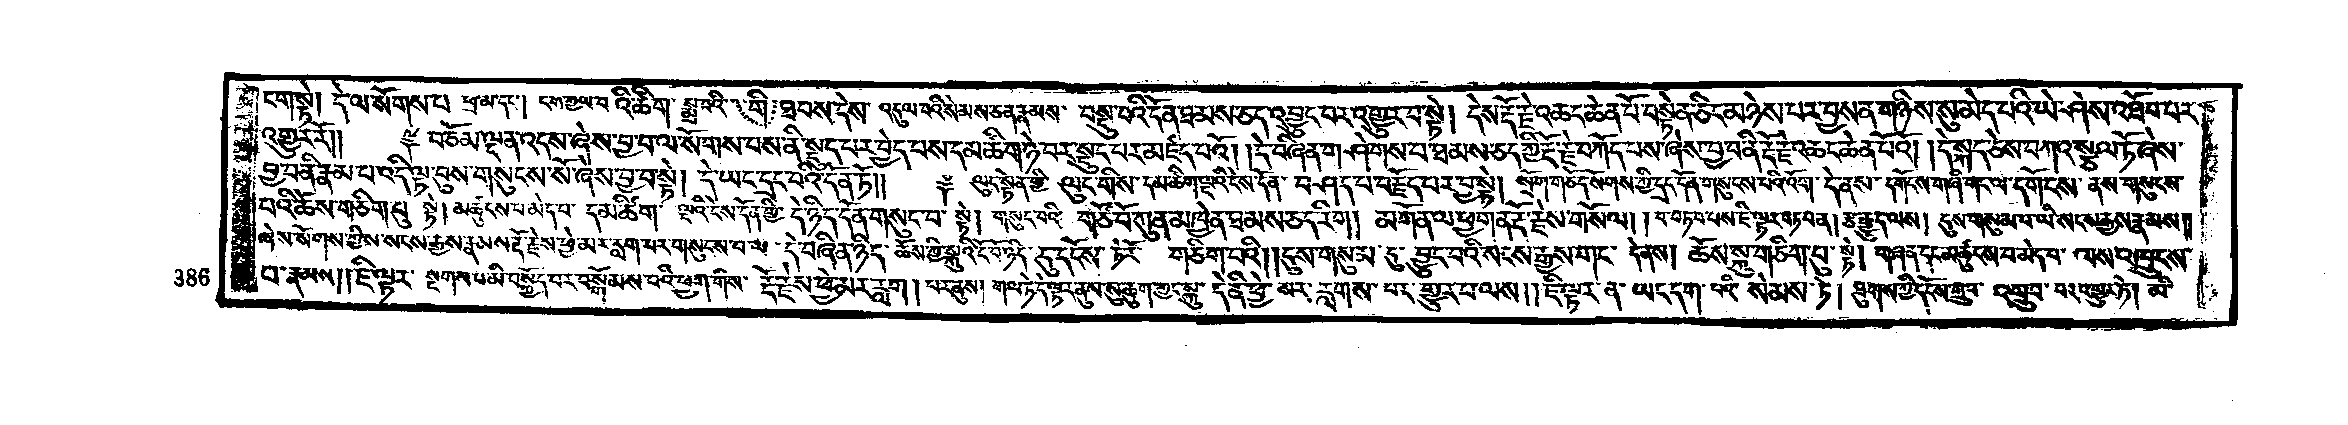ངག་སྟེ། དེ་ལ་སོགས་པ་ཕ་མ་དང་། ངག་ཀྱལ་བའི་ཚིག་སྨྲ་བའི་གི་ཐབས་དེས་འདུལ་བའི་སེམས་ཅན་རྣམས་བསྡུ་བའི་དོན་ཐམས་ཅད་འབྱུང་བར་འགྱུར་བ་སྟེ། དེས་རྡོ་རྗེ་འཆང་ཆེན་པོ་བསྟེན་ཅིང་མཉེས་པར་བྱས་ན་གཉིས་སུ་མེད་པའི་ཡེ་ཤེས་འཐོབ་པར་
འགྱུར་རོ།། ༈ བཅོམ་ལྡན་འདས་ཞེས་བྱ་བ་ལ་སོགས་པས་ནི་སྡུད་པར་བྱེད་པས་དམ་ཚིག་ཉེ་བར་སྡུད་པར་མཛད་པའོ། །དེ་བཞིན་གཤེགས་པ་ཐམས་ཅད་ཀྱི་རྡོ་རྗེ་བཀོད་པས་ཞེས་བྱ་བ་ནི་རྡོ་རྗེ་འཆང་ཆེན་པོའོ། །དེ་སྐད་ཅེས་བཀའ་སྩལ་ཏོ་ཞེས་
བྱ་བ་ནི་རྣམ་པ་འདི་ལྟ་བུས་གསུངས་སོ་ཞེས་བྱ་བ་སྟེ། དེ་ཡང་དྲང་བའི་དོན་ཏོ།། ༈ ལུང་སྟེན་གྱི་ལུང་གིས་དམ་ཚིག་ལྔའི་ངེས་དོན་བཤད་པ་བརྗོད་པར་བྱ་སྟེ། སྲོག་གཅོད་སོགས་ཀྱི་དྲང་དོན་གསུངས་པའི་འོག་དེ་ནས་དགོངས་གཞི་གང་ལ་དགོངས་ནས་གསུངས
པའི་ཆོས་གཅིག་པུ་སྟེ། མཚུངས་པ་མེད་པ་དམ་ཚིག་ལྔའི་ངེས་དོན་གྱི་དེ་ཉིད་དོན་གསུང་བ་སྟེ། གསུང་བའི་གཙོ་བོ་ཀུན་མཁྱེན་ཐམས་ཅད་རིག །མགོན་ལ་ཕྱག་ན་རྡོ་རྗེས་གསོལ། །བ་བཏབ་པས་ཇི་ལྟར་བཏབ་ན། རྩ་རྒྱུད་ལས། དུས་གསུམ་པ་ཡི་སངས་རྒྱས་རྣམས།།
ཞེས་སོགས་ཀྱིས་སངས་རྒྱས་རྣམས་རྡོ་རྗེས་ཕྱེ་མར་རླག་པར་གསུངས་པ་ལ་དེ་བཞིན་ཉིད་ཆོས་ཀྱི་སྐུའི་ངོ་བོ་ཉིད་དུ་དངོས་ཏེ་རོ་གཅིག་པའི། །དུས་གསུམ་དུ་བྱུང་བའི་སངས་རྒྱས་གང་དེ་ནས།  ཆོས་སྐུ་གཅིག་པུ་སྟེ། གཞན་དང་མཚུངས་པ་མེད་པ་ལས་འཁྲུངས་
པ་རྣམས།  །ཇི་ལྟར་སྔགས་པ་མི་བསྐྱོད་པར་བསྒོམས་པའི་ཕྱག་གིས་རྡོ་རྗེས་ཕྱེ་མར་རླག ། པར་ནུས། གལ་ཏེ་དེ་ལྟར་ནུས་སུ་ཆུག་ཀྱང་སྐུ་དེ་ནི་ཕྱེ་མར་རླགས་པར་གྱུར་པ་ལས། །ཇི་ལྟར་ན་ཡང་དག་པའི་སེམས་ཏེ། ཐུགས་ཀྱི་དངོས་གྲུབ་འགྲུབ་པར་འགྱུར་ཏེ། མི